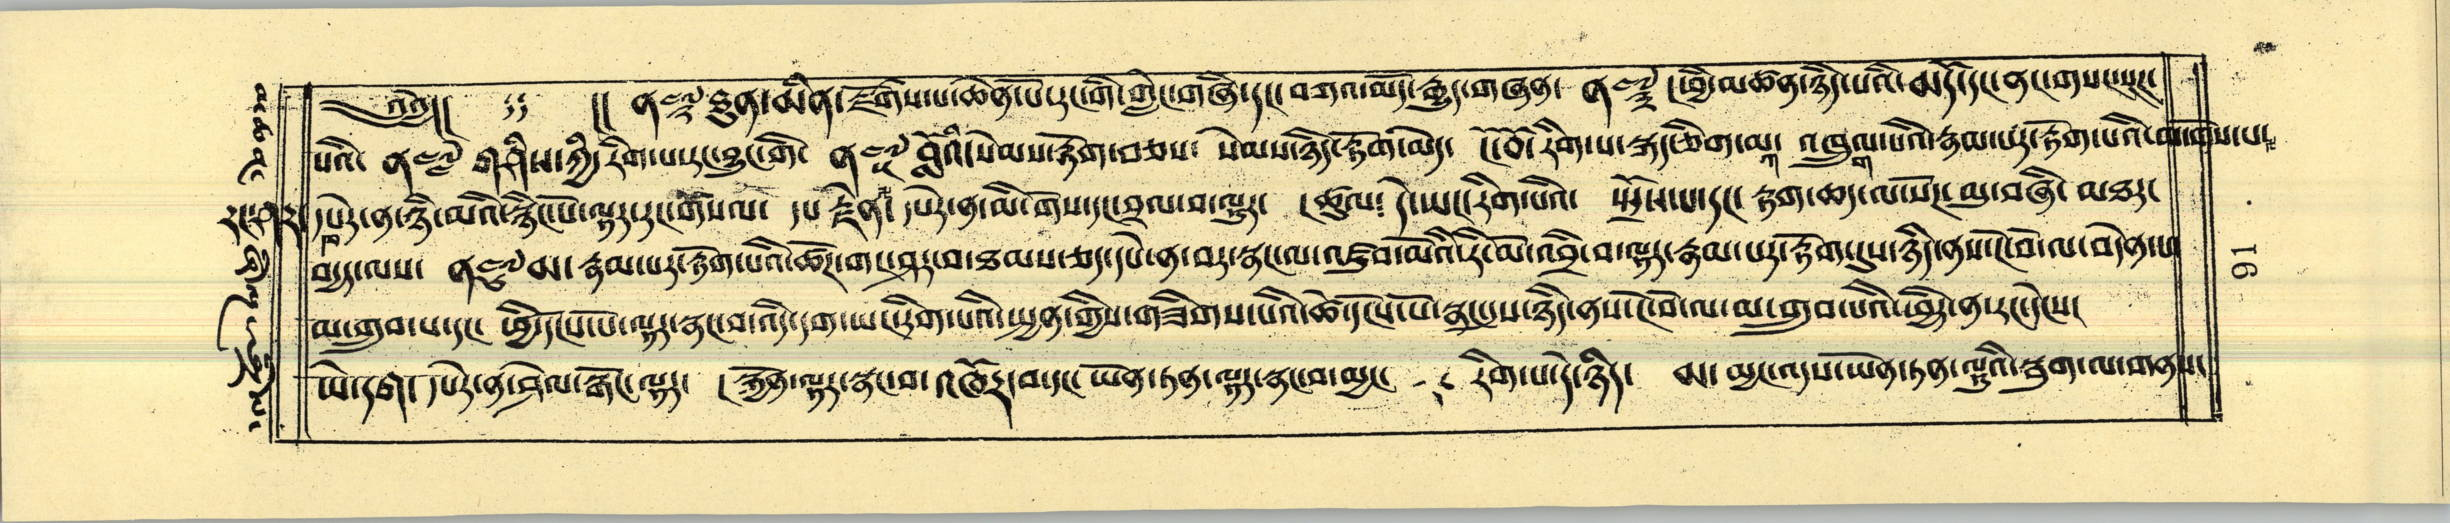ན༤༧།༢༼ཐུན་མིན༽རྫོགས་པ་ཆེན་པོ་རང་གི་གླིང་གཞི་༼དང༽བཀའ་མདོ་རྒྱུད་གཞན་ན༤༧།༣ ཕྱི་མཚན་ཉིད་པའི་༼མདོ༽དང་ནང་གསང་སྔགས་
པའི་ན༤༧།༤༼གཤིས་ཀྱི༽རིག་པ་རང་འབྱུང་གི་ན༤༧།༥༼བློའི༽སེམས་རྟོག་བཅས་སེམས་ཉིད་རྟོག་མེད་༼ངོ་བོ༽རིག་པ་སྐད་ཅིག་མ་དཔེར་ན་ཉི་མའི་སྙིང་པོ་ལྟར་རང་གསལ་དང་༼རྗེན༽འཁྲུལ་པའི་རྣམ་པར་རྟོག་པས་མ་གོས་པ་
དཔེར་ན་མི་གོས་དང་བྲལ་བ་ལྟ་བུར་ཚུལ་༼དེ་ཡང༽རིག་པའི་༼སྤྲོས་པ་དང༽རྟག་ཆད་ལ་སོགས་མུ་བཞི་མཐར་
བརྒྱད་ལས། ན༤༧།༦༼མ༽རྣམ་པར་རྟོག་པའི་ཚོགས་གང་ཤར་བ་ཐམས་ཅད་དཔེར་ན་བར་སྣང་ལ་འཛུབ་མོའི་རི་མོ་འབྲི་བ་ལྟར་རྣམ་པར་རྟོག་དུས་ཉིད་ནས་ངོ་བོ་ལ་བདེན་པར་
མ་གྲུབ་པ་དང་། ཕྱི་དངོས་པོ་ལྟར་སྣང་བ་འདི་དག་ཀྱང་རིག་པའི་སྤྱན་གྱིས་གཟིགས་པའི་ཚེ་དངོས་པོ་སྣང་དུས་ཉིད་ནས་ངོ་བོ་མ་གྲུབ་པའི་ཕྱིར་ན་རང་དེངས་
༼ཡེ་དག༽དཔེར་ན་ཤེལ་སྒོང་ལྟར་སྐྱོན་ལྟར་སྣང་བ་༼འཁོར༽བ་དང་ཡོན་ཏན་ལྟར་སྣང་བ་མྱང་འདས་རིག་པ་༼དེ་ཉིད་མ༽མྱང་འདས་ཡོན་ཏན་ལྟ་བུའི་སྦུག་ལ་གནས་